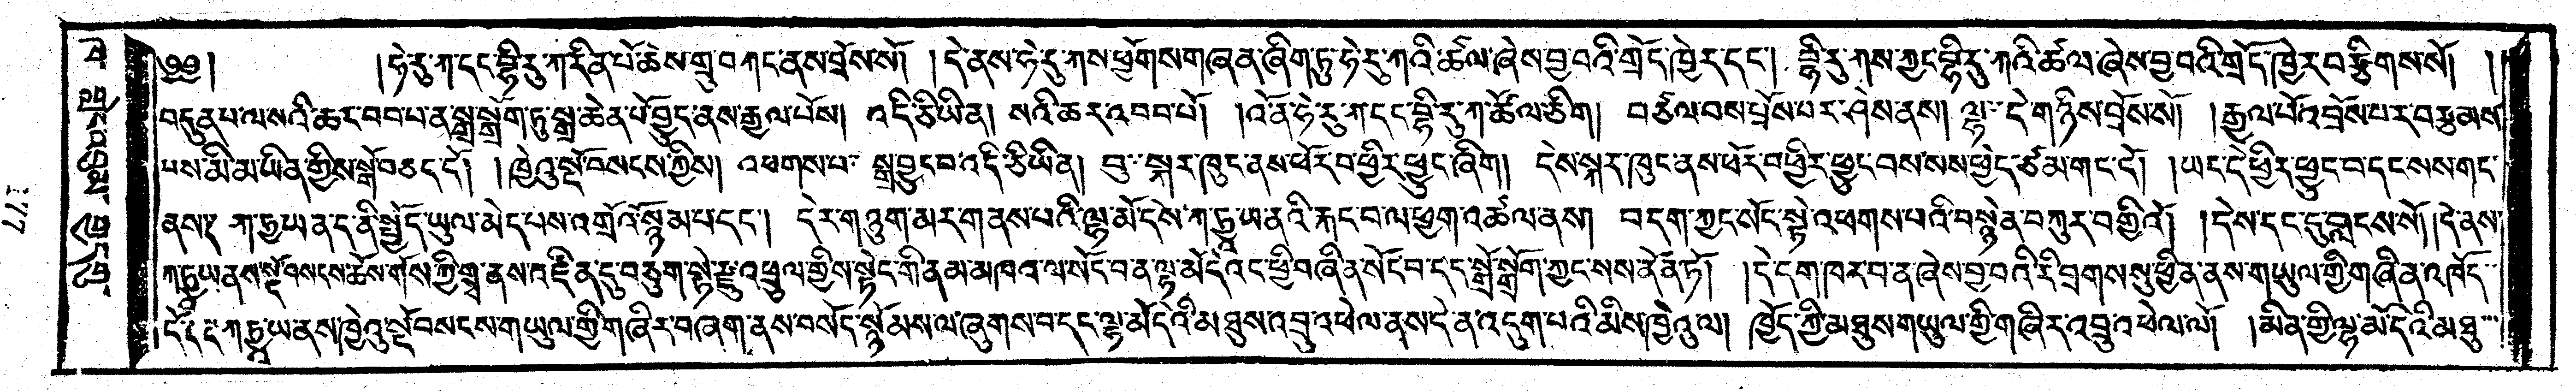༄༅། །ཧེ་རུ་ཀ་དང་བྷི་རུ་ཀ་རིན་པོ་ཆེས་གྲུ་བཀང་ནས་བྲོས་སོ། །དེ་ནས་ཧེ་རུ་ཀས་ཕྱོགས་གཞན་ཞིག་ཏུ་ཧེ་རུ་ཀའི་ཚལ་ཞེས་བྱ་བའི་གྲོད་ཁྱེར་དང་། བྷི་རུ་ཀས་ཀྱང་བྷི་རུ་ཀའི་ཚལ་ཞེས་བྱ་བའི་གྲོད་ཁྱེར་བརྩིགས་སོ། །
བདུན་པ་ལ་སའི་ཆར་བབ་པ་ན་སྒྲ་སྒྲོག་ཏུ་སྒྲ་ཆེན་པོ་བྱུང་ནས་རྒྱལ་པོས། འདི་ཅི་ཡིན། སའི་ཆར་འབབ་པོ། །འོ་ན་ཧེ་རུ་ཀ་དང་བྷི་རུ་ཀ་ཚོལ་ཅིག། བཙལ་བས་པྲོས་པར་ཤེས་ནས། ལྷ་དེ་གཉིས་བྲོས་སོ། །རྒྱལ་པོ་འབྲོས་པར་བརྩམས་
པས་མི་མ་ཡིན་གྱིས་སྒོ་བཅད་དོ། །ཁྱེའུ་སྔོ་བསངས་ཀྱིས། འཕགས་པ་སྒྲ་བྱུང་བ་འདི་ཅི་ཡིན། བུ་སྐར་ཁུང་ནས་ཕོར་བ་ཕྱིར་ཕྱུང་ཞིག། དེས་སྐར་ཁུང་ནས་ཕོར་བ་ཕྱིར་ཕྱུང་བས་སས་ཕྱེད་ཙམ་གང་ངོ། །ཡང་དེ་ཕྱིར་ཕྱུང་བ་དང་སས་གང་
ནས༑ ཀ་ཏྱ་ཡན་ད་ནི་སྤྱོད་ཡུལ་མེད་པས་འགྲོའོ་སྙམ་པ་དང་། དེར་གཉུག་མར་གནས་པའི་ལྷ་མོ་དེས་ཀ་ཏྱཱ་ཡ་ནའི་རྐང་བ་ལ་ཕྱག་འཚལ་ནས། བདག་ཀྱང་སོང་སྟེ་འཕགས་པའི་བསྙེན་བཀུར་བགྱིའོ། །དེས་དང་དུ་བླངས་སོ། །དེ་ནས་
ཀ་ཏྱཱ་ཡ་ནས་སྔོ་བསངས་ཆོས་གོས་ཀྱི་གྲྭ་ནས་འཛིན་དུ་བཅུག་སྟེ་རྫུ་འཕྲུལ་གྱིས་སྟེང་གི་ནམ་མཁའ་ལ་སོང་བ་ན་ལྷ་མོ་དེའང་ཕྱི་བཞིན་སོང་བ་དང་སྒྲོ་སྒྲོག་ཀྱང་སས་ནོན་ཏོ། །དེ་དག་ཁར་བ་ན་ཞེས་བྱ་བའི་རི་བྲགས་སུ་ཕྱིན་ནས་གཡུལ་གྱི་གཞིན་འཁོད་
དོ༑ ༑ཀཏྱཱ་ཡ་ནས་ཁྱེའུ་སྔོ་བསངས་གཡུལ་གྱི་གཞིར་བཞག་ནས་བསོད་སྙོམས་ལ་ཞུགས་བ་དང་ལྷ་མོ་དེའི་མཐུས་འབྲུ་འཕེལ་ནས་དེ་ན་འདུག་པའི་མིས་ཁྱེའུ་ལ། ཁྱོད་ཀྱི་མཐུས་གཡུལ་གྱི་གཞིར་འབྲུ་འཕེལ་ལོ། །མིན་གྱི་ལྷ་མོ་དེའི་མཐུ་